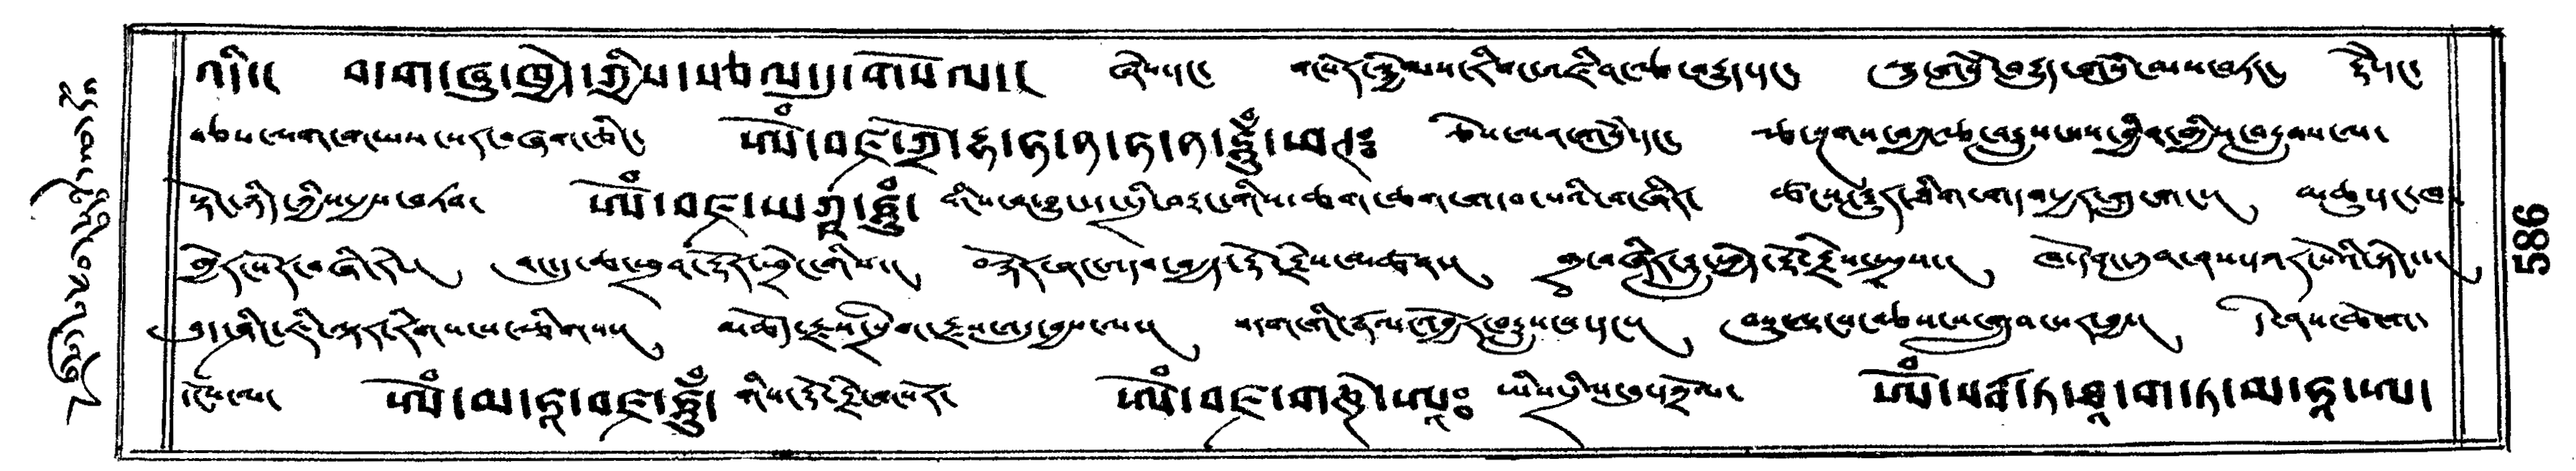འདི། །བདག་ཞུ་ཁྱེད་ཀྱིས་སྩལ་དུ་གསོལ། ཞེས་དང་། གསེར་སྐྱེམས་རིག་འཛིན་རྩ་བརྒྱུད་དང་། སྐུ་གསུམ་བརྒྱུད་གསུམ་མ་གཏང་། རྡོ་རྗེ་དང་
བཅས་ལག་གཡས་སར་བཞག་ཅིང་། ཨོཾ་བཛྲ་ཀྲོ་དྷ་ཧ་ན་ཧ་ན་ཧཱུྃ་ཕཊ། ཅེས་ལན་གསུམ་དང་། རྩ་སྔགས་བརྒྱ་རྩ་བཟླས་པས་བྱིན་གྱིས་བརླབས་ལ་
སྟོང་ཉིད་ཀྱིས་རྒྱས་བཏབ། ཨོཾ་བཛྲ་ཡཀྵ་ཧཱུྃ། གིས་བ་བྱུང་དང་དྲི་བཟང་གིས་ཆག་ཆག་གདབ་པའི་གཞིར། ཚངས་ཟུར་ཐིག་གདབ་རྒྱར་ཁྲུ་གང་། །མཆུ་དང་ཁ་
ཁྱེར་སོར་བཞི་རེ། །ནང་དུ་ཆ་ཕྲན་རྡོར་ཕྲེང་གིས། །བསྐོར་ནང་འདབ་བརྒྱད་རྡོ་རྗེས་མཚན། །གྲྭ་བཞིར་ཟླ་ཕྱེད་རྡོ་རྗེས་སྤྲས། ཁ་དོག་ཀུན་ནས་དཀར་པོའི་སྟེང་། །
བུད་ཤིང་ཇི་ལྟར་རིགས་པ་རྩིགས། །མཆོད་རྫས་སྲེག་རྫས་འདུ་བྱས་ལ། །བདག་གི་རྣལ་འབྱོར་བཟླས་པ་དང་། །བསྡུ་ལྡང་བཅས་པ་གྲུབ་པར་བྱ། དེ་ནས་ཆོ་ག་
དངོས་ལ། ཨོཾ་མ་ཧཱ་བཛྲ་ཧཱུྃ། རྡོ་རྗེ་གསོར། ཨོཾ་བཛྲ་གཎྜེ་ཨཱཿ དྲིལ་བུ་དཀྲོལ། ཨོཾ་སརྦ་ཏ་ཐཱ་ག་ཏ་མ་ཧཱ་ཨ་